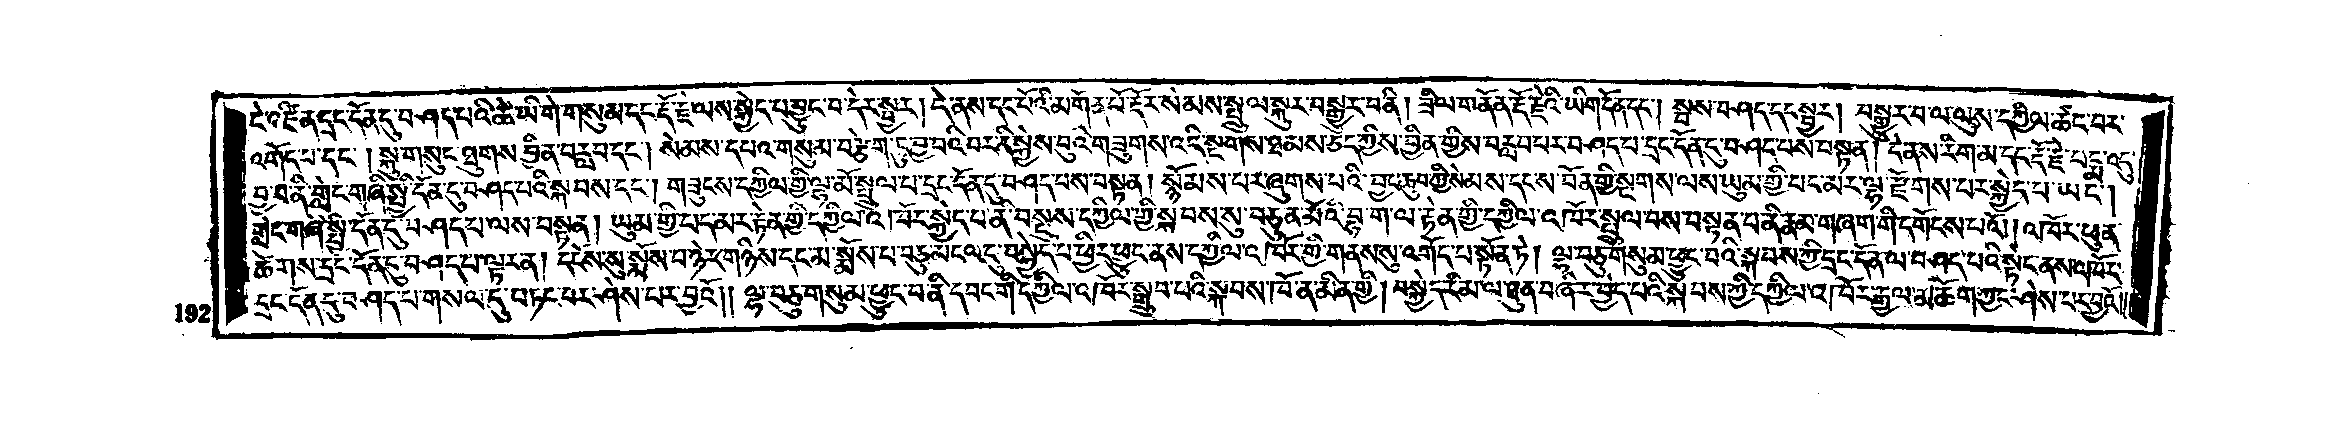ངེ་འཛིན་དྲང་དོན་དུ་བཤད་པའི་ཚེ་ཡི་གེ་གསུམ་དང་རྡོ་རྗེ་ལས་སྐྱེད་པ་བྱུང་བ་དེར་སྦྱར། དེ་ནས་དང་པོའི་མགོན་པོ་རྡོར་སེམས་སྤྲུལ་སྐུར་བསྒྱུར་བ་ནི། ཟིལ་གནོན་རྡོ་རྗེའི་ཡིག་དོན་དང་། སྦས་བཤད་དང་སྦྱར། བསྒྱུར་བ་ལ་ལུས་དཀྱིལ་ཚང་བར་
འགོད་པ་དང་། སྐུ་གསུང་ཐུགས་བྱིན་བརླབ་དང་། སེམས་དཔའ་གསུམ་བརྩེག་ཏུ་བྱ་བའི་བར་ནི་སྐྱེས་བུའི་གཟུགས་འདི་སྔགས་ཐམས་ཅད་ཀྱིས་བྱིན་གྱིས་བརླབ་པར་བཤད་པ་དྲང་དོན་དུ་བཤད་པས་བསྟན། དེ་ནས་རིག་མ་དང་རྡོ་རྗེ་པདམ་འདུ་
བྱ་བ་ནི་གླེང་གཞི་སྤྱི་དོན་དུ་བཤད་པའི་སྐབས་དང་། གཟུངས་དཀྱིལ་གྱི་ལྷ་མོ་སྤྲུལ་པ་དྲང་དོན་དུ་བཤད་པས་བསྟན། སྙོམས་པར་ཞུགས་པའི་བྱང་ཆུབ་ཀྱི་སེམས་དང་ས་བོན་གྱི་སྔགས་ལས་ཡུམ་གྱི་པད་མར་ལྷ་རྫོགས་པར་སྐྱེད་པ་ཡང་།
གླེང་གཞི་སྤྱི་དོན་དུ་བཤད་པ་ལས་བསྟན། ཡུམ་གྱི་པད་མར་རྟེན་གྱི་དཀྱིལ་འཁོར་སྐྱེད་པ་ནི་བསྡུས་དཀྱིལ་གྱི་སྐབས་སུ་བཙུན་མོའི་བྷ་ག་ལ་རྟེན་གྱི་དཀྱིལ་འཁོར་སྤྲུལ་བས་བསྟན་པ་ནི་རྣམ་གཞག་གི་དགོངས་པའོ། །འཁོར་ཕུན་
ཚོགས་དྲང་དོན་དུ་བཤད་པ་ལྟར་ན། དངོས་སུ་སྨོས་པ་ཉེར་གཉིས་དང་མ་སྨོས་པ་བཅུ་མངལ་དུ་བསྐྱེད་པ་ཕྱིར་ཕྱུང་ནས་དཀྱིལ་འཁོར་གྱི་གནས་སུ་འགོད་པ་སྟོན་ཏེ། ལྷ་བཅུ་གསུམ་ཕྱུང་བའི་སྐབས་ཀྱི་དྲང་དོན་ལ་བཤད་པའི་སྟེང་ནས་འཁོར་
དྲང་དོན་དུ་བཤད་པ་གསལ་དུ་བཏང་བར་ཤེས་པར་བྱའོ། །ལྷ་བཅུ་གསུམ་ཕྱུང་བ་ནི་དབང་གི་དཀྱིལ་འཁོར་སྒྲུབ་པའི་སྐབས་ཁོ་ན་མིན་གྱི། བསྐྱེད་རིམ་ལ་ཐུན་བཞིར་བྱེད་པའི་སྐབས་ཀྱི་དཀྱིལ་འཁོར་རྒྱལ་མཆོག་ཀྱང་ཤེས་པར་བྱའོ། །